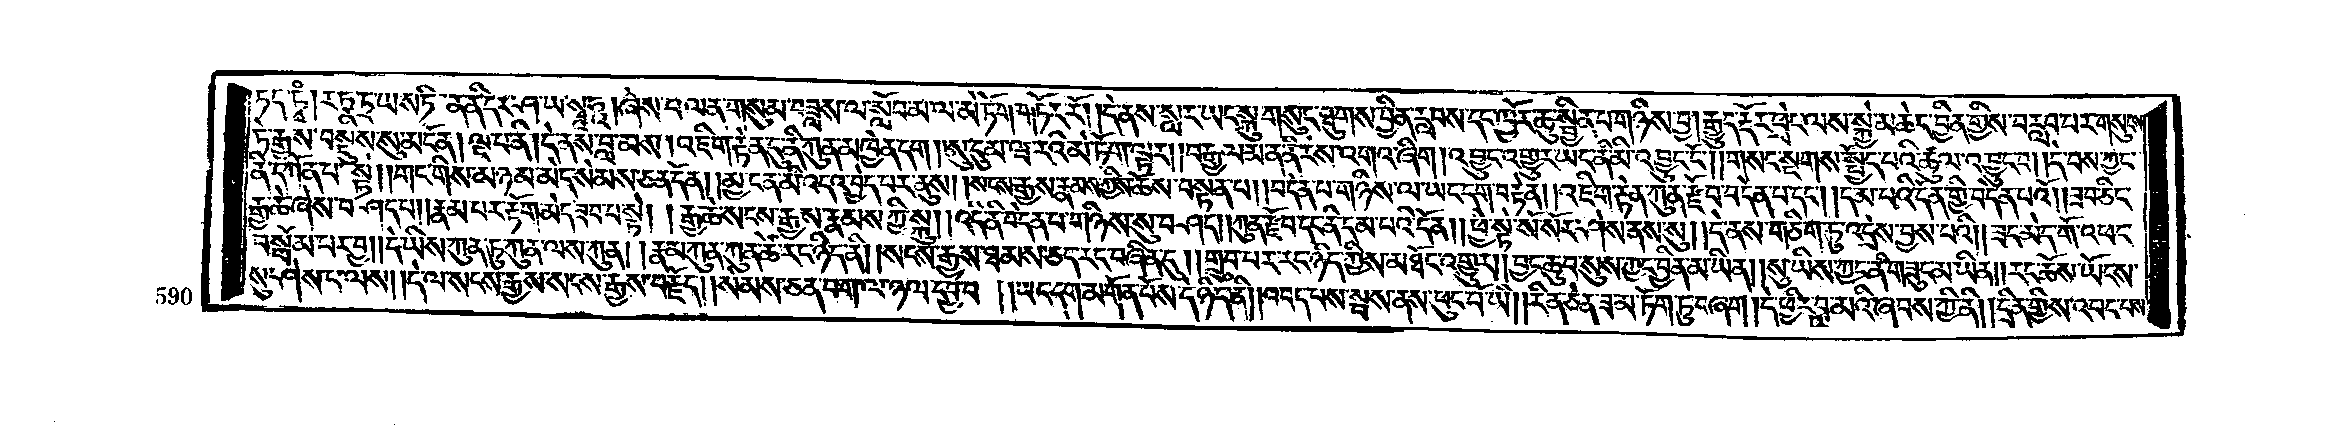ཏད་ཏྭཾ། རཏྣ་ཏྲ་ཡས་ཏི་ན་ན་དིར་ཤ་ཡ་སྭཱ་ཧཱ། ཞེས་པ་ལན་གསུམ་བཟླས་ལ་སློབ་མ་ལ་མེ་ཏོག་གཏོར་རོ། །དེ་ནས་སླར་ཡང་སྐུ་གསུང་ཐུགས་བྱིན་རླབས་དང་ཁྱོར་ཆུ་སྦྱིན་པ་གཉིས་བྱ། རྒྱུད་རྡོར་ཕྲེང་ལས་སྐྱེ་མཆེད་བྱིན་གྱིས་བརླབ་པར་གསུངས་
ཏེ་རྒྱས་བསྡུས་སུ་མངོན། ལྔ་པ་ནི། དེ་ནས་བླ་མས། འཇིག་རྟེན་དུ་ནི་ཀུན་མཁྱེན་དག །ཨུ་དུམ་ཝ་རའི་མེ་ཏོག་ལྟར། །བརྒྱ་ལམ་ན་ནི་རེས་འགའ་ཞིག །འབྱུང་འགྱུར་ཡང་ནི་མི་འབྱུང་ངོ། །གསང་སྔགས་སྤྱོད་པའི་ཚུལ་འབྱུང་བ། །དེ་བས་ཀྱང་
ནི་དཀོན་པ་སྟེ། །གང་གིས་མཉམ་མེད་སེམས་ཅན་དོན། །མྱ་ངན་མི་འདའ་བྱེད་པར་ནུས། །སངས་རྒྱས་རྣམས་ཀྱིས་ཆོས་བསྟན་པ། །བདེན་པ་གཉིས་ལ་ཡང་དག་བརྟེན། །འཇིག་རྟེན་ཀུན་རྫོབ་བདེན་པ་དང་། །དམ་པའི་དོན་གྱི་བདེན་པའོ། །ཟབ་ཅིང་
རྒྱ་ཆེ་ཞེས་བཤད་པ། །རྣམ་པར་རྟོག་མེད་ཟབ་པ་སྟེ། །རྒྱ་ཆེ་སངས་རྒྱས་རྣམས་ཀྱི་སྐུ། །འདི་ནི་བདེན་པ་གཉིས་སུ་བཤད། །ཀུན་རྫོབ་དང་ནི་དམ་པའི་དོན། །ཕྱེ་སྟེ་སོ་སོར་ཤེས་ནས་སུ། །དེ་ནས་གཅིག་ཏུ་འདྲེས་བྱས་པའི། །ཟད་མེད་གོ་འཕང་
བསྒོམ་པར་བྱ། །དེ་ཡིས་ཀུན་ཏུ་ཀུན་ལས་ཀུན། །རྣམ་ཀུན་ཀུན་ཚེ་རང་ཉིད་ནི། །སངས་རྒྱས་ཐམས་ཅད་རང་བཞིན་དུ། །གྲུབ་པར་རང་ཉིད་ཀྱིས་མཐོང་འགྱུར། །བྱང་ཆུབ་སུས་ཀྱང་བྱིན་མ་ཡིན། །སུ་ཡིས་ཀྱང་ནི་གཟུང་མ་ཡིན། །རང་ཆོས་ཡོངས་
སུ་ཤེས་པ་ལས། །དེ་ལ་སངས་རྒྱས་སངས་རྒྱས་བརྗོད། །སེམས་ཅན་བག་ལ་ཉལ་དབྱེ་བ། །ཡང་དག་མགོན་པོས་དེ་ཉིད་ནི། །འབད་པས་སྦས་ནས་ཕུང་པོ་ཡི། །རིན་ཅེན་ཟ་མ་ཏོག་ཏུ་བཞག །དེ་ཕྱིར་བླ་མའི་ཞབས་ཀྱི་ནི། །དྲིན་གྱིས་འབད་པས་